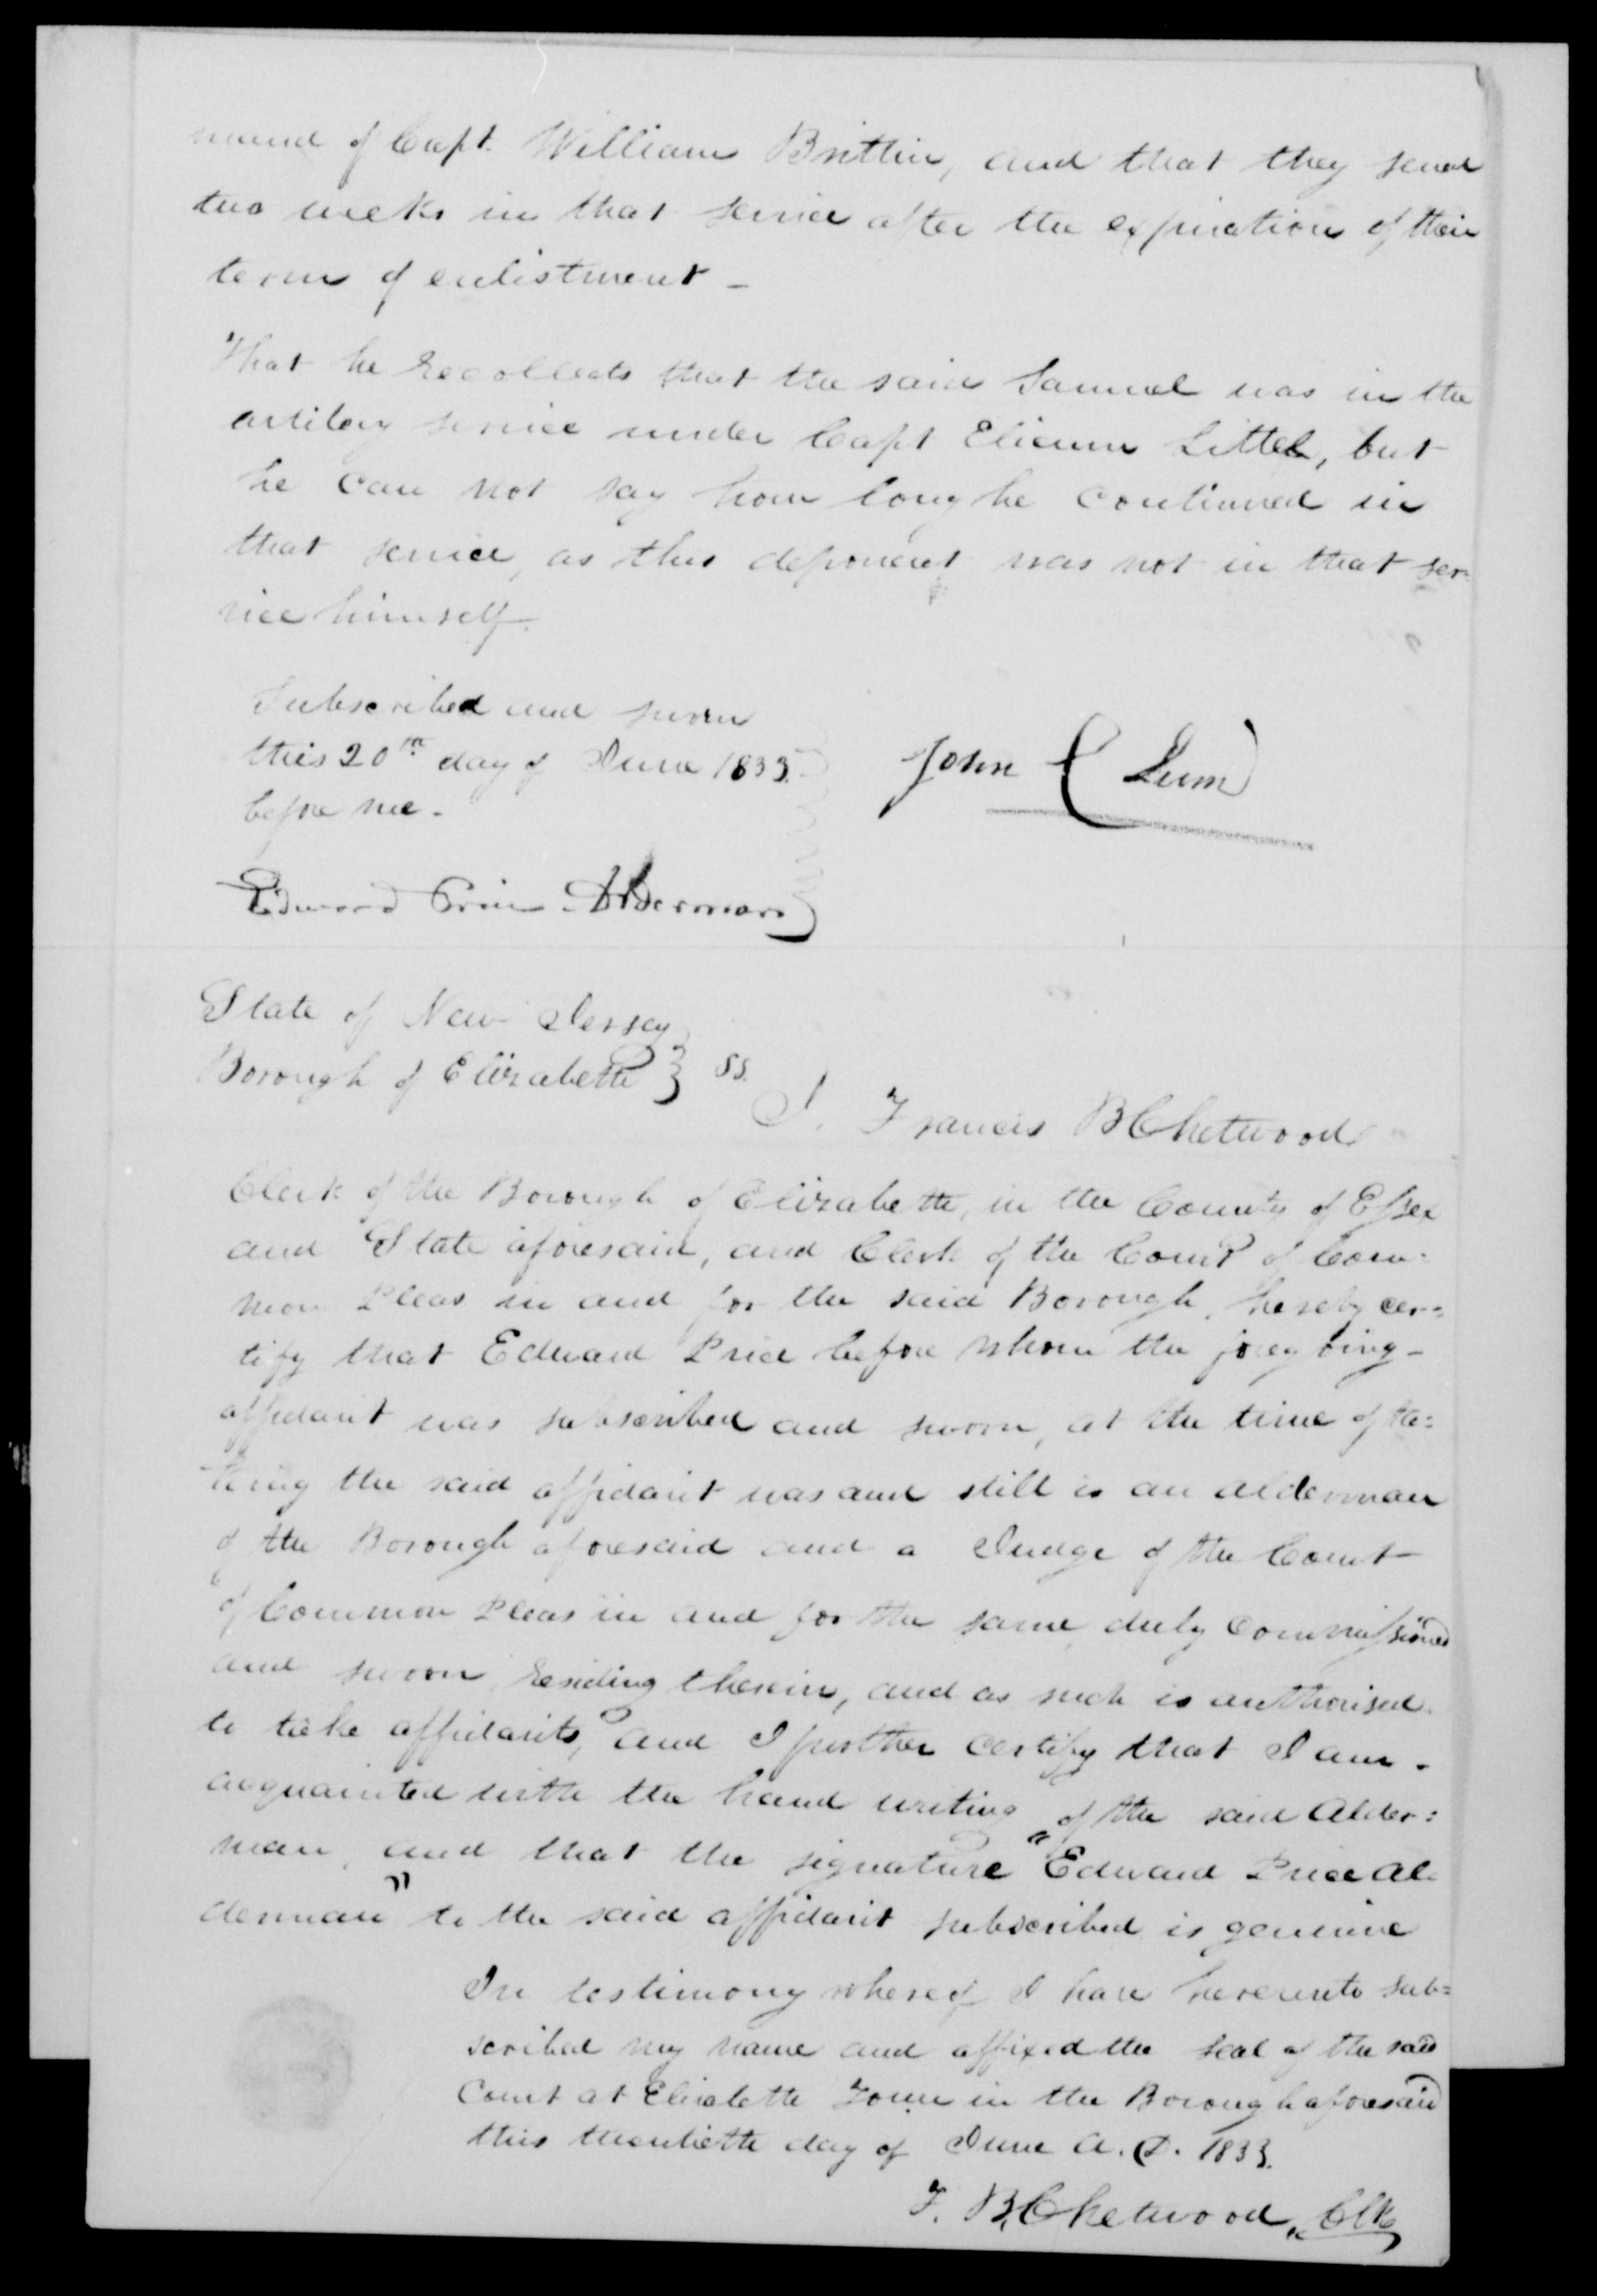name of Capt. William Brittin, and that they were two weeks in that service after the expiration of their terms of enlistment -- 
   That he recollects that the said Samuel was in the artillery service under Capt Elicum Little, but he can not say how long he continued in that service as this deponent was not in that service himself --
John C Lum
Subscribed and sworn this 20th day of June 1835 before me. Edward Price Herman
State of New Jersey, Borough of Elizabeth}Ss.
I Francis B Chetwood, Clerk of the Borough of Elizabeth in the County of Essex and State aforesaid, and Clerk of the Court of Common Pleas in and for the said Borough hereby certify that Edward Price before whom the foregoing affidavit was subscribed and sworn, at the time of testimony the said affidavit was and still is an alderman of the Borough aforesaid and a Judge of the Court of Common Pleas in and for the same duly commissioned and sworn rending therein, and as such is authorized to take affidavits and I further certify that I am acquainted with the hand writing of the said Alderman, and that the signature "Edward Price Alderman" to the said affidavit subscribed is genuine
    In testimony whereof I have hereunto subscribed my name and affixed the seal of the said court at Elizabeth Tow in the Borough aforesaid this twentieth day of June A.D. 1835. F. B. Chetwood Clk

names: Edward Price; F B Chetwood; William Brittin; John C Lum; Edward Price; Francis B Chetwood; Samuel [BLANK]; Edward Price; Elicum Little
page: 23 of 44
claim: survivor's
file: S. 912, for Samuel Shipman, New Jersey